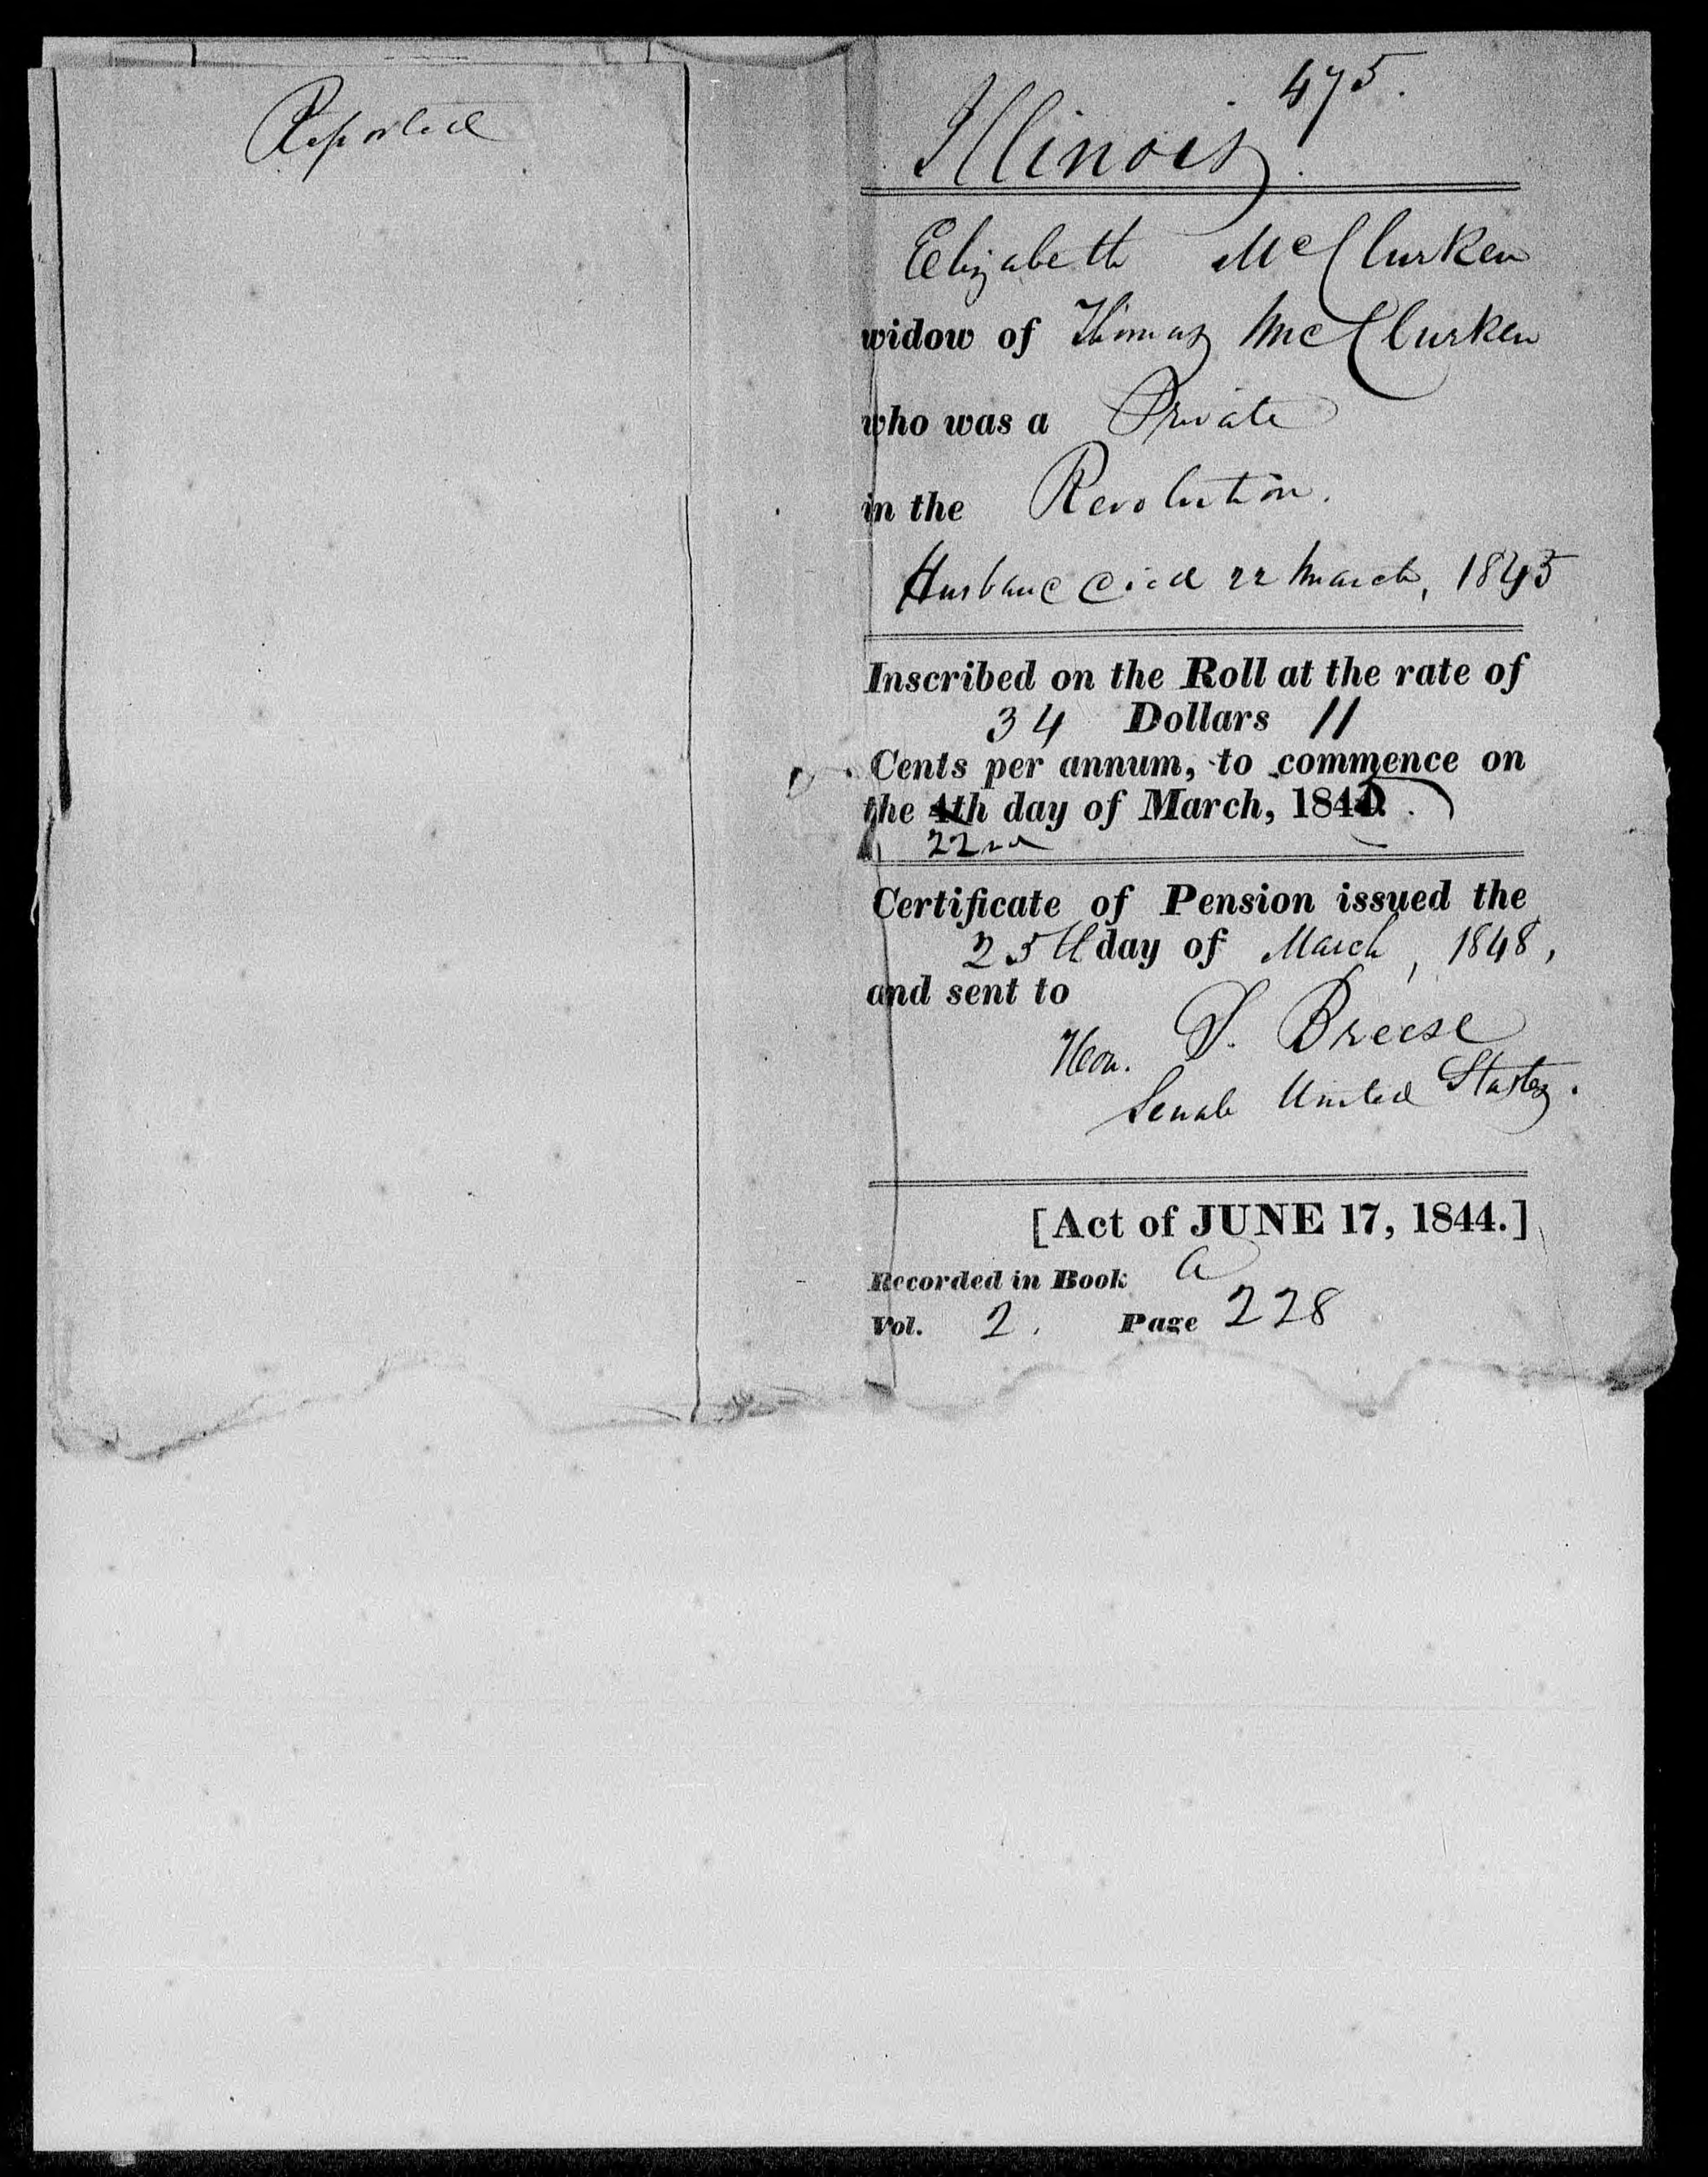Reported 
Illinois 475 
Elizabeth McClurken 
widow of Thomas McClurken 
who was a Private 
in the Revolution
Husband died 22 March, 1845 
Inscribed on the Roll at the rate of
 34 Dollars 11 
Cents per annum, to commence on 22nd day of March, 1845 

Certificate of Pension issued the 25th day of March, 1848  and sent to Hon. S. Breese 
Senate United States 

[Act of JUNE 17, 1844. Vol.] 
Recorded in Book A. 
Vol. 2. Page 228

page: 28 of 93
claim: widow's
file: W. 21792, for Thomas Mc Clurken, South Carolina